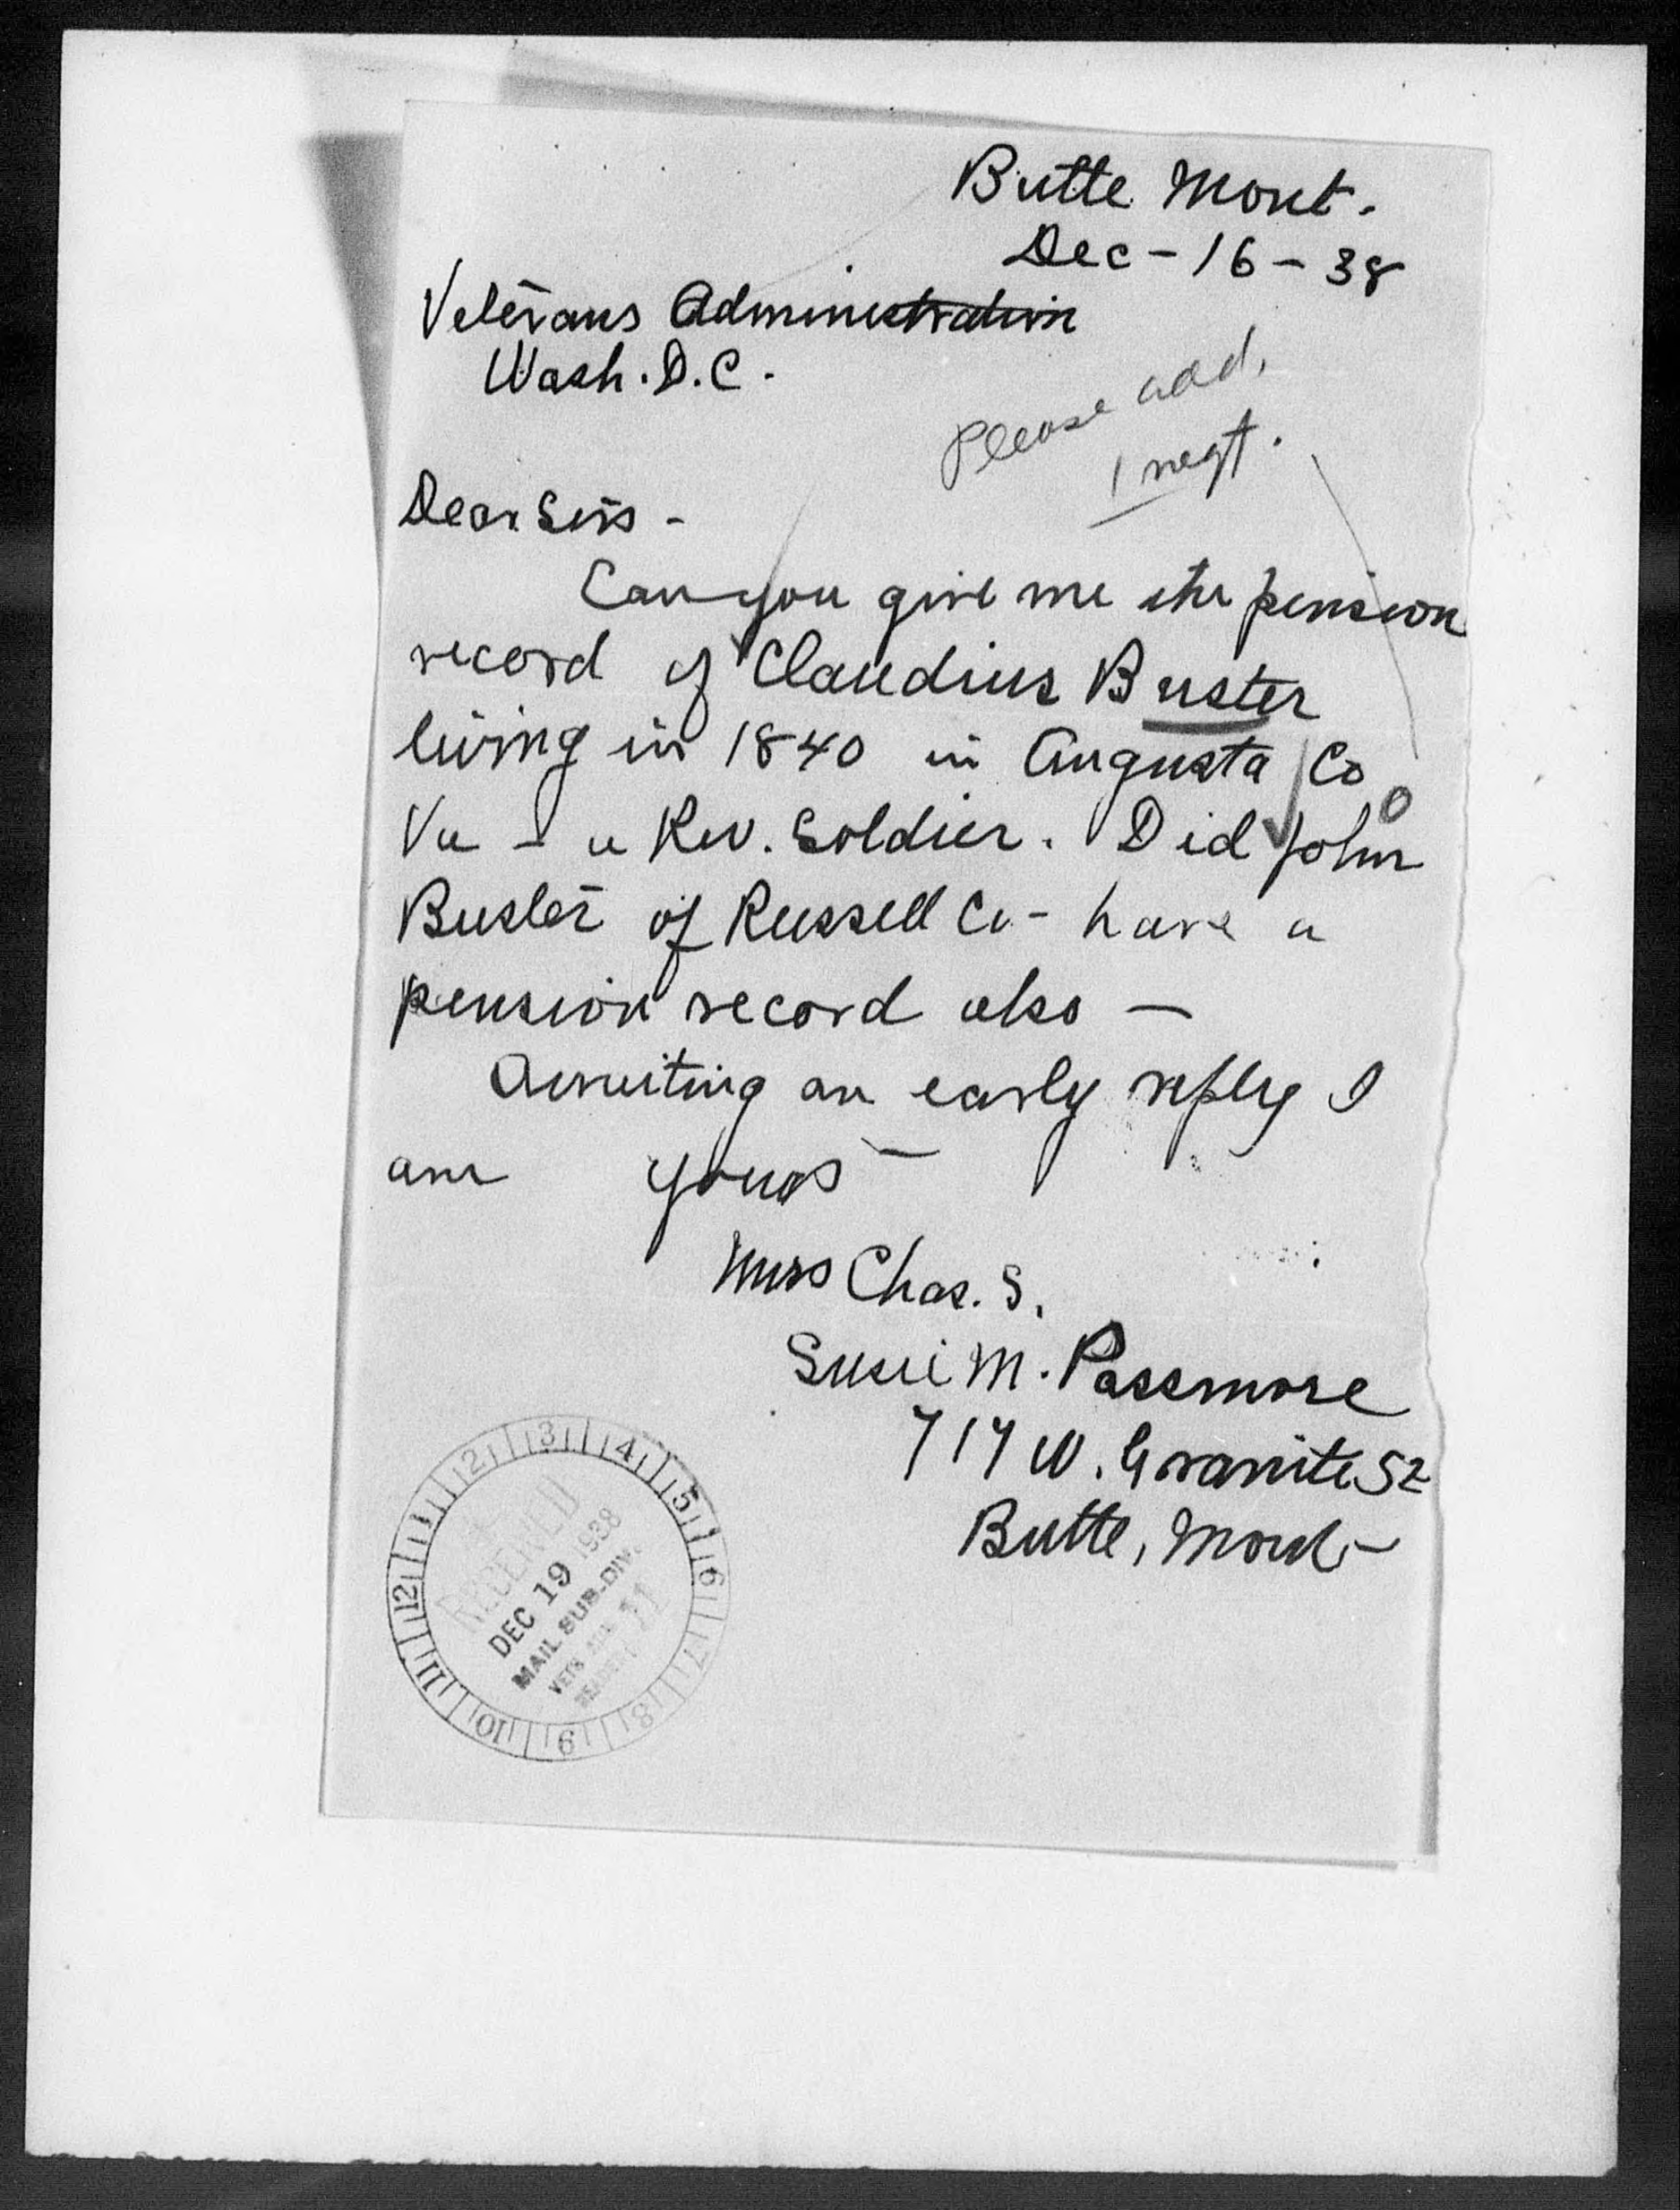Butte Mont.
Dec - 16 - 38

Veterans Administration
Wash. D. C.

Dear Sirs -

Can you give me the pension record of Claudius Buster living in 1840 in Augusta Co Va - a Rev. Soldier. Did John Buster of Russell Co- have a pension record also-

Awaiting an early reply I am yours-

Mrs Chas. S.
Susie M. Passmore
717 W. Granite St
Butte, Mont

RECEIVED
DEC 19 1938
MAIL SUB-DIV.
VETS [illegible]
READER 11 [ink stamp]

Please add,
1 mgt.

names: Susie M Passmore, John Buster, Chas S, Claudius Buster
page: 50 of 71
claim: widow's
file: W. 25310, Claudius Buster, Va.